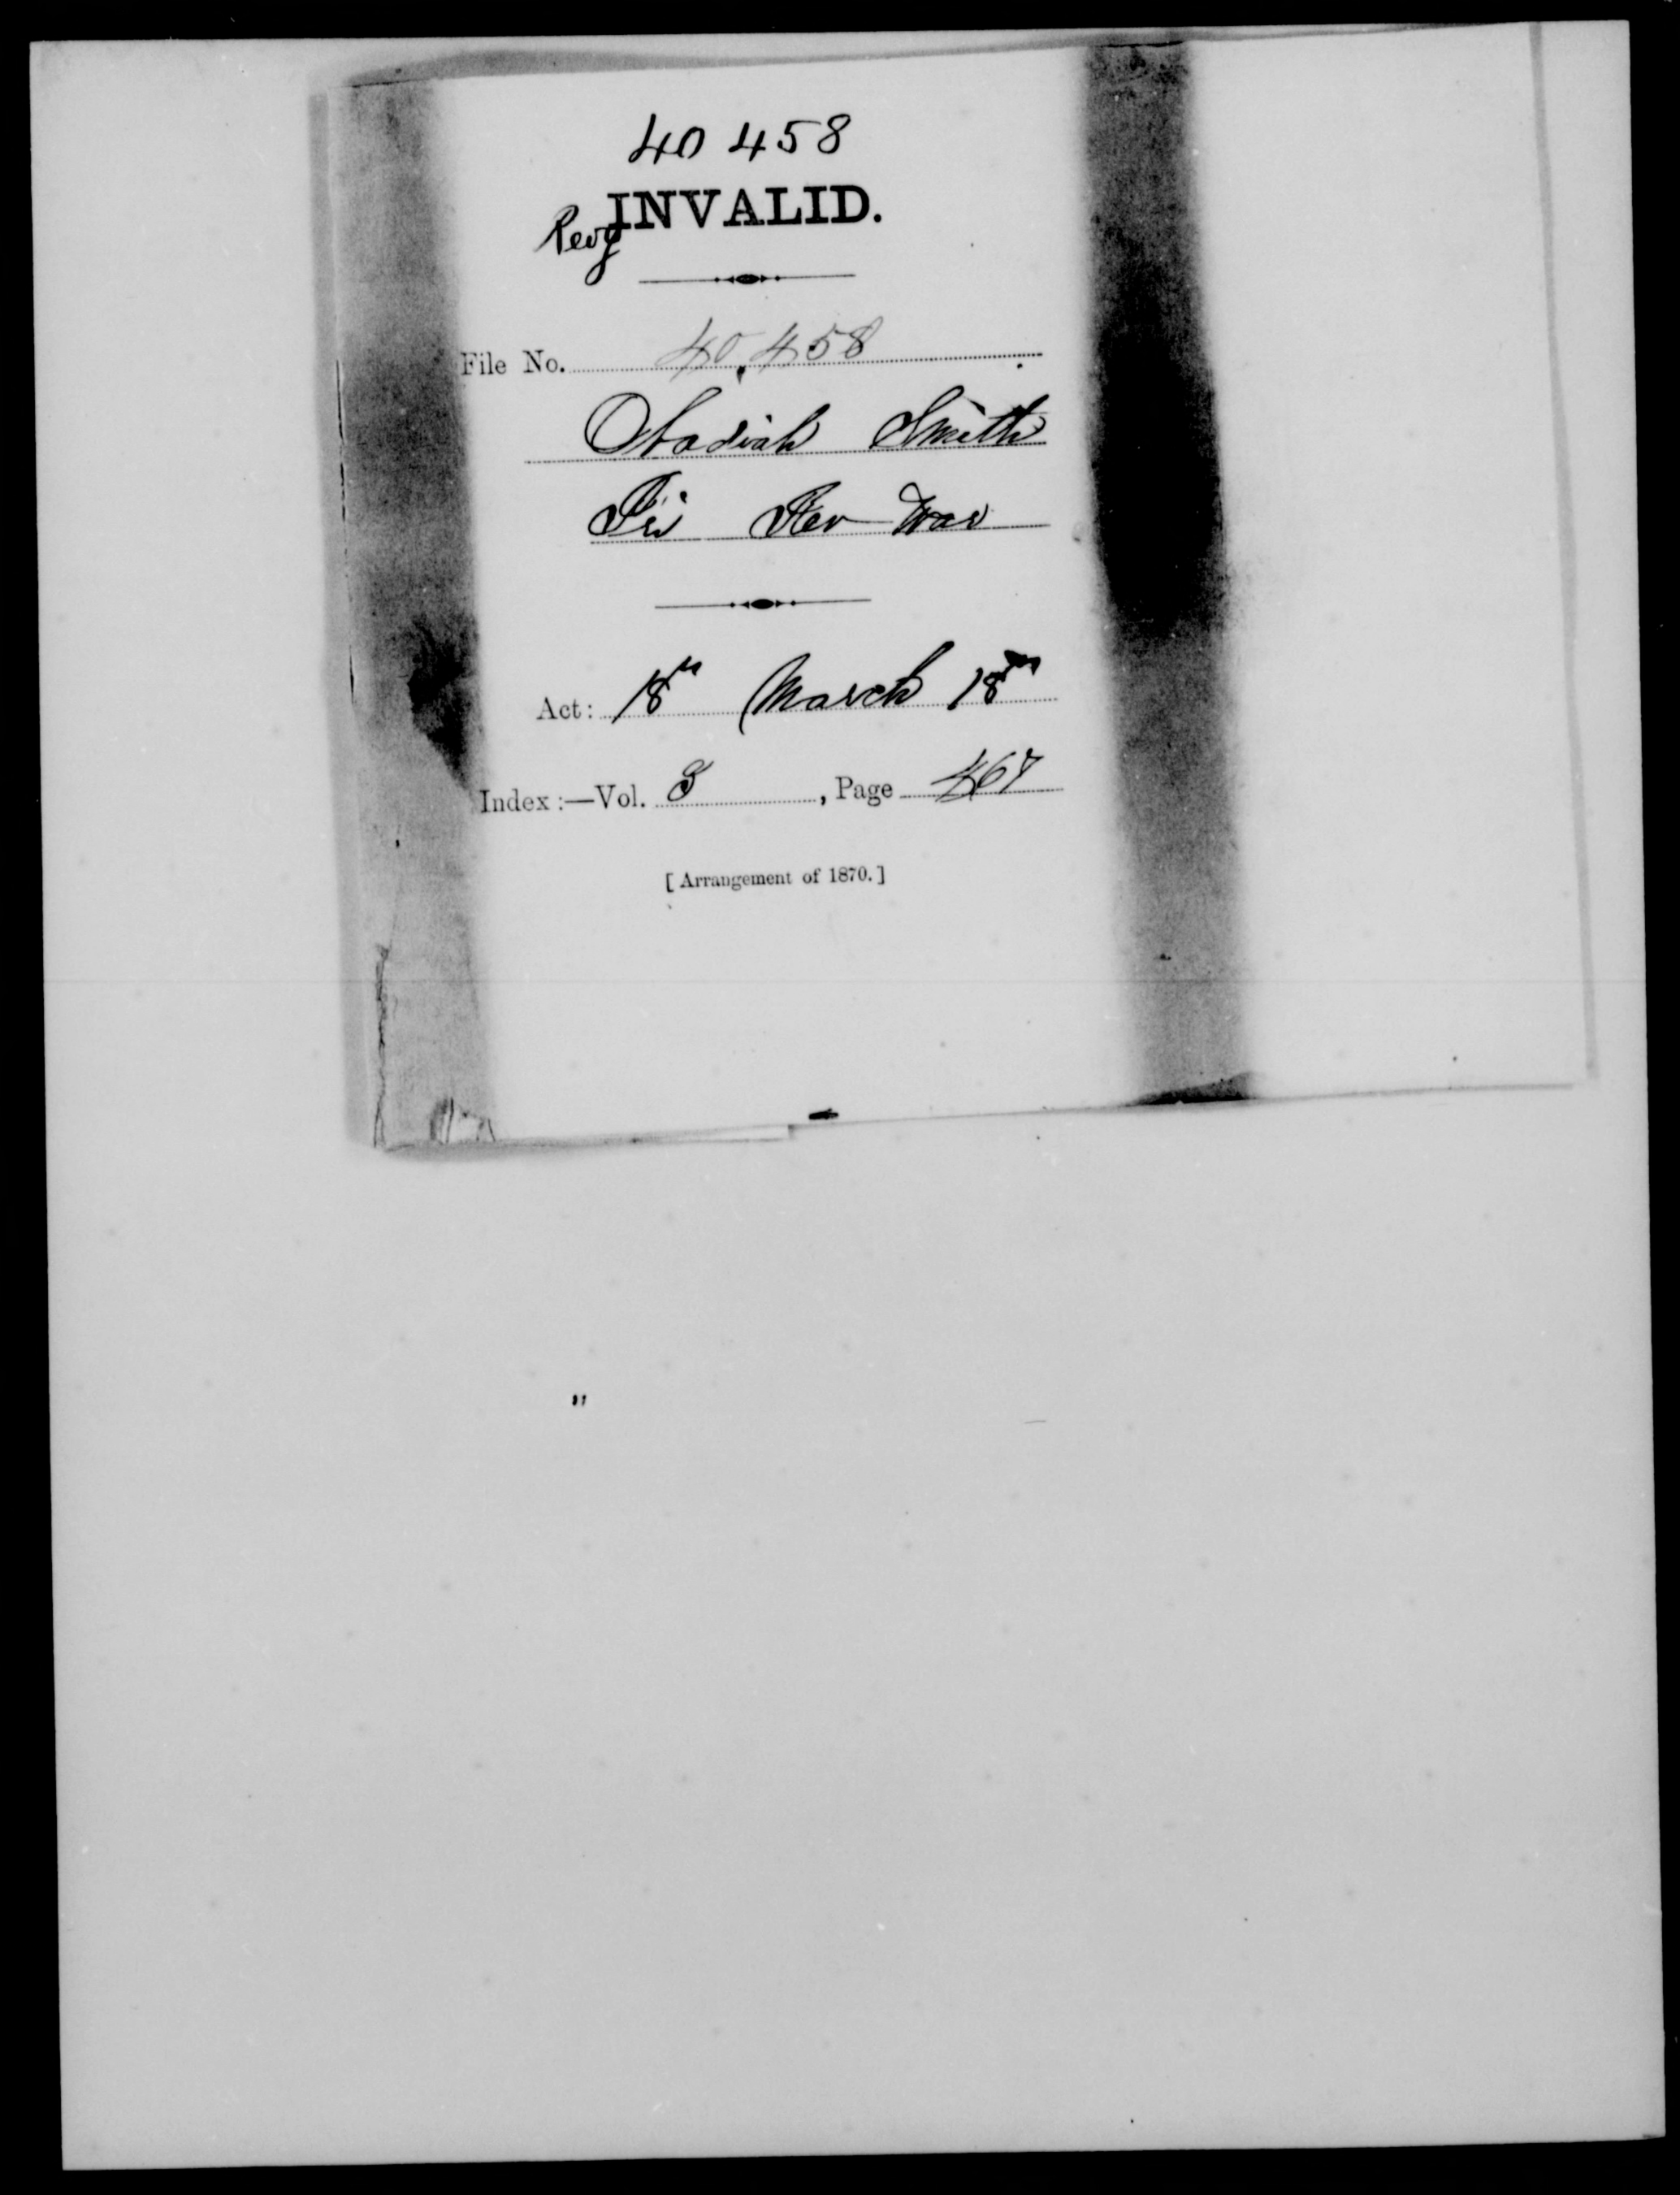40458 
Revy INVALID. File No. 40,458 Obadiah Smith Pri Rev War 
Act: 18 March 18 
Index:-Vol. S, Page 867 
[ Arrangement of 1870. ]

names: Obadiah Smith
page: 12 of 66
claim: survivor's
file: S 40458, for Obadiah Smith, New York